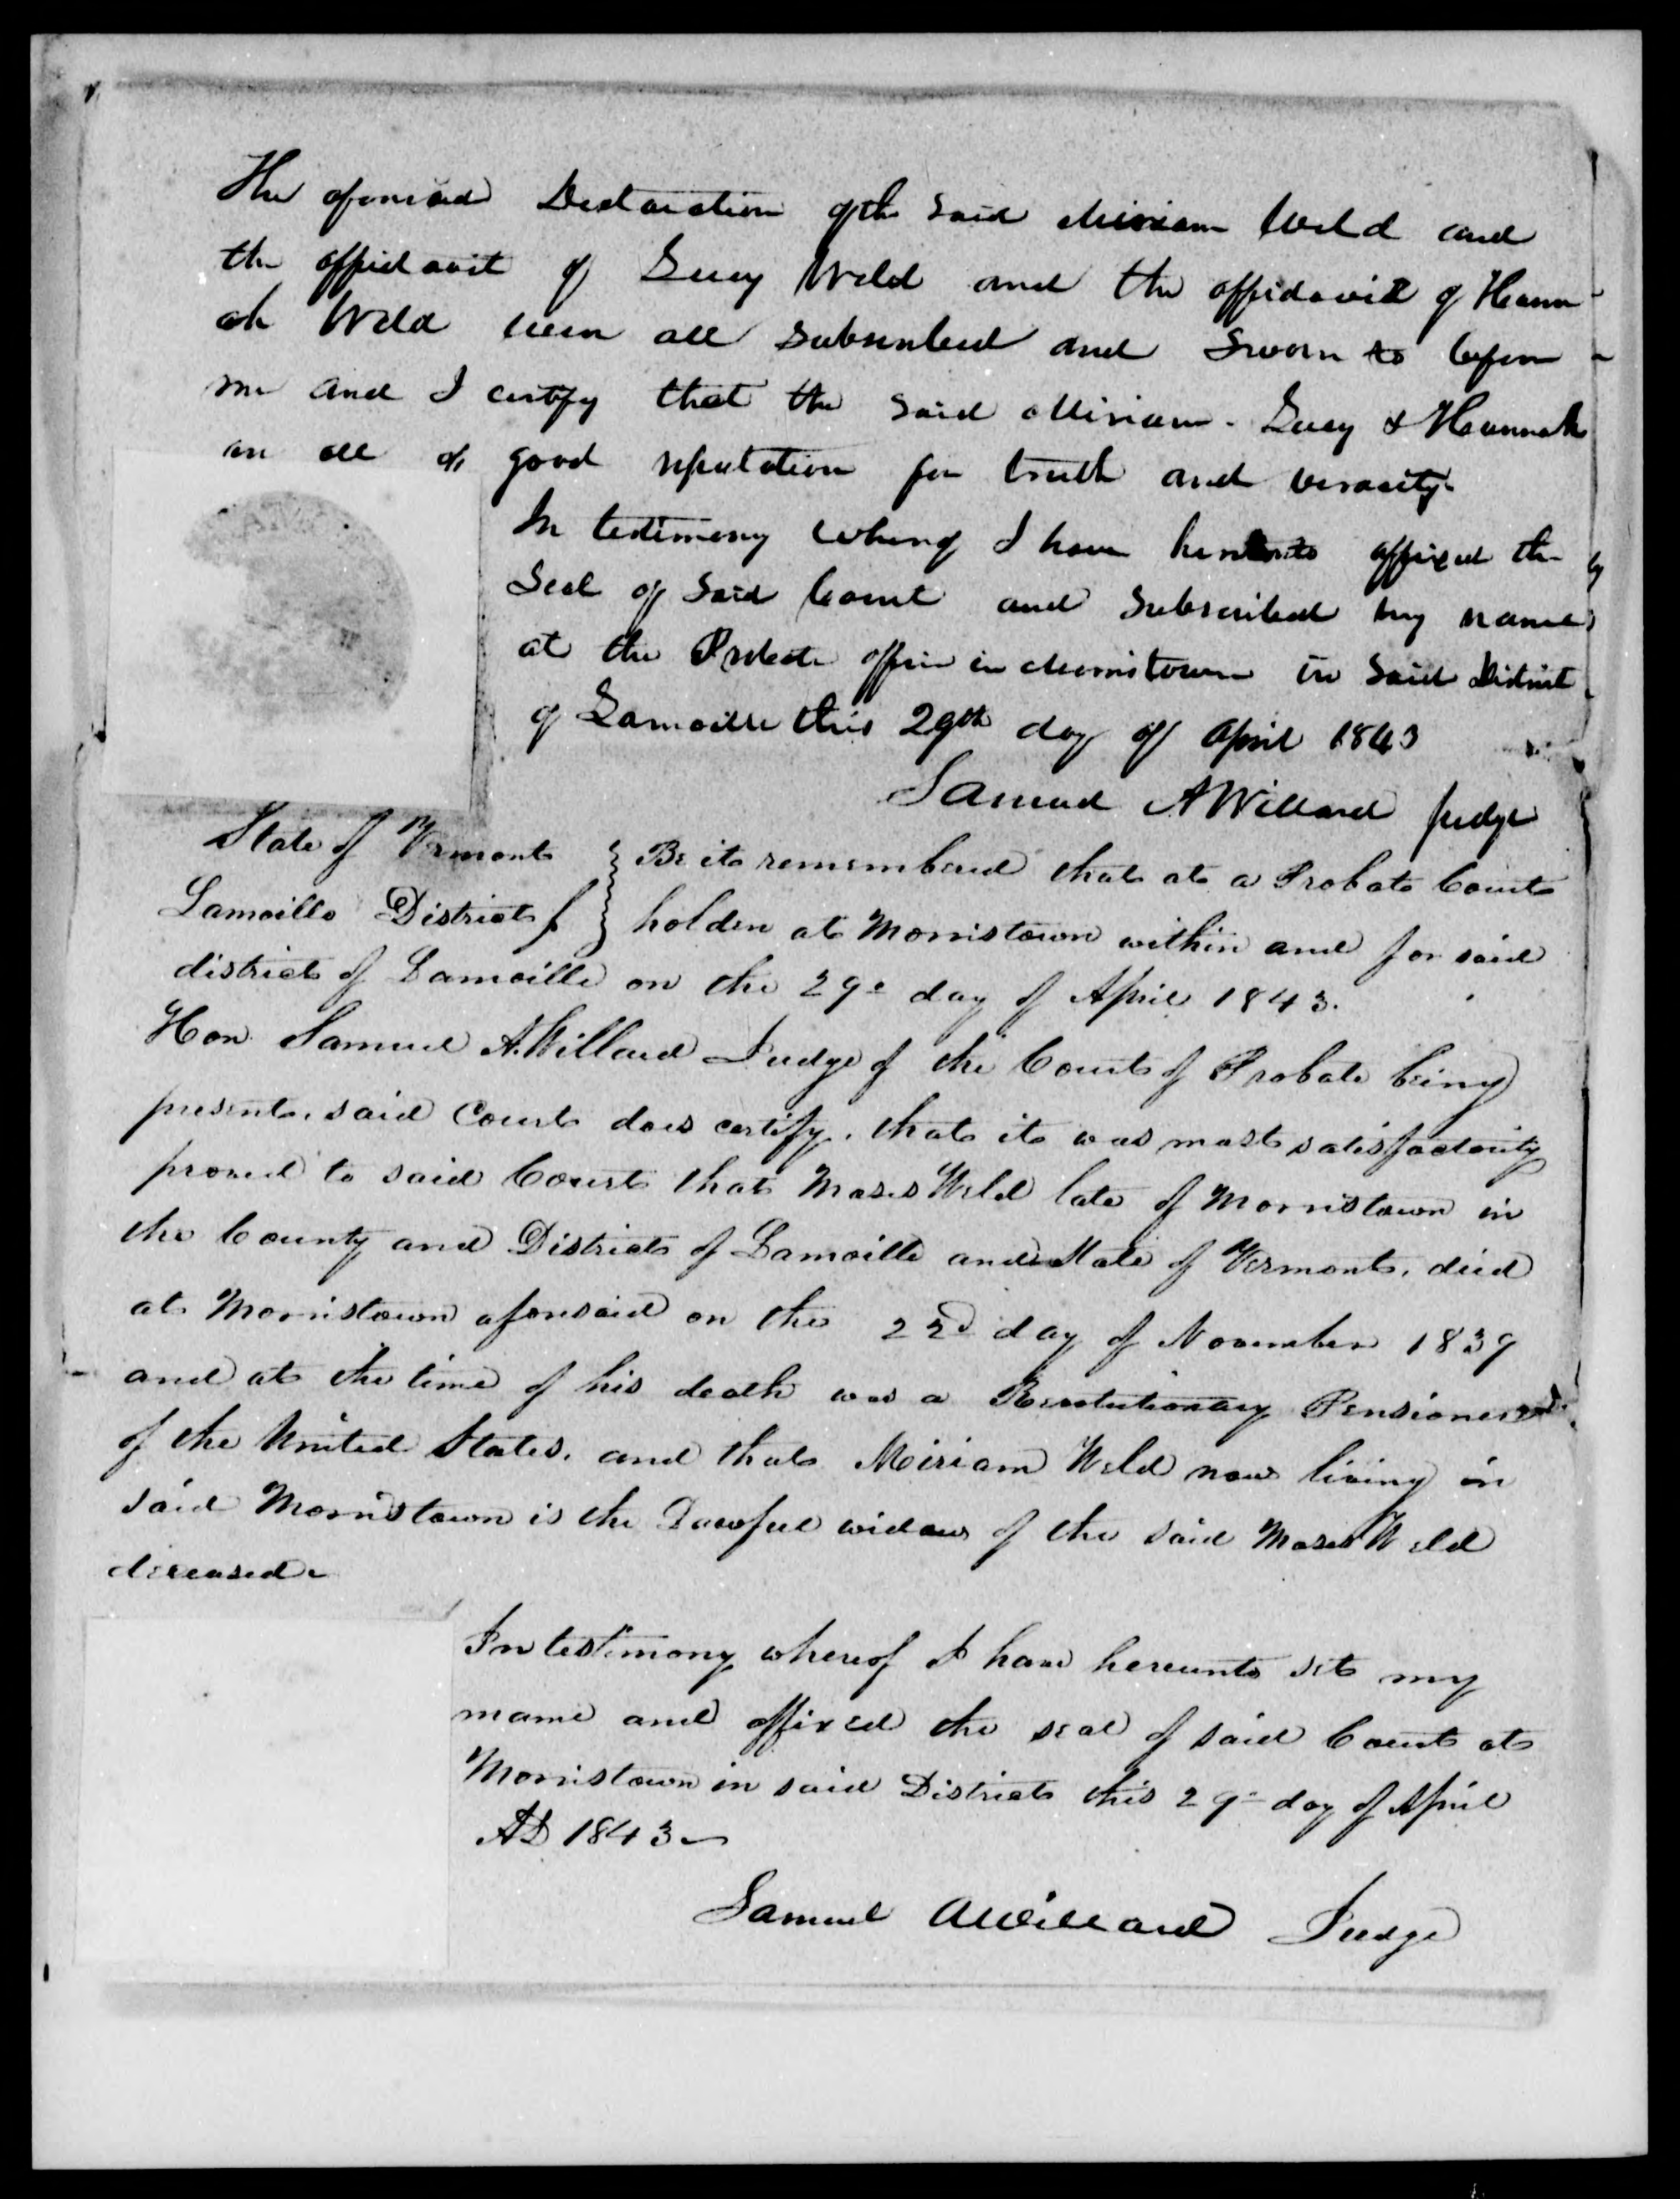The aforesaid Declaration of the said Miriam Weld and the affidavit of Lucy Weld and the affidavit of Hannah Weld were all subscribed and sworn to before me and I certify that the said Miriam, Lucy & Hannah are all of
good reputation for truth and veracity.
In testimony whereof I have hereunto affixed the Seal of said Court and subscribed my name at the Probate office in Morristown in said District of Lamoille this 29th day of April 1843
Samuel A Willard Judge
State of Vermont
Lamoille District 
Be it remembered that at a Probate Court
holden at Morristown within and for said
district of Lamoille on the 29 day of April 1843
Hon Samuel A. Willard Judge of the Court of Probate being present, said Court does certify that it was most satisfactorily proved to said Court that Moses Weld late of Morristown in the County and District of Lamoille and State of Vermont, died at Morristown aforesaid on the 22d day of November 1839 and at the time of his death was a Revolutionary Pensioner of the United States, and that Miriam Weld now living in said Morristown is the lawful widow of the said Moses Weld deceased
In testimony whereof I have hereunto set my
name and affixed the seal of said Court at
Morristown in said District this 29 day of April
AD 1843-
Samuel Willard Judge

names: Moses Weld, Lucy Weld, Miriam Weld, Samuel A Willard, Hannah Weld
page: 42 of 87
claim: widow's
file: W. 25,966, Moses Weld, Mass.